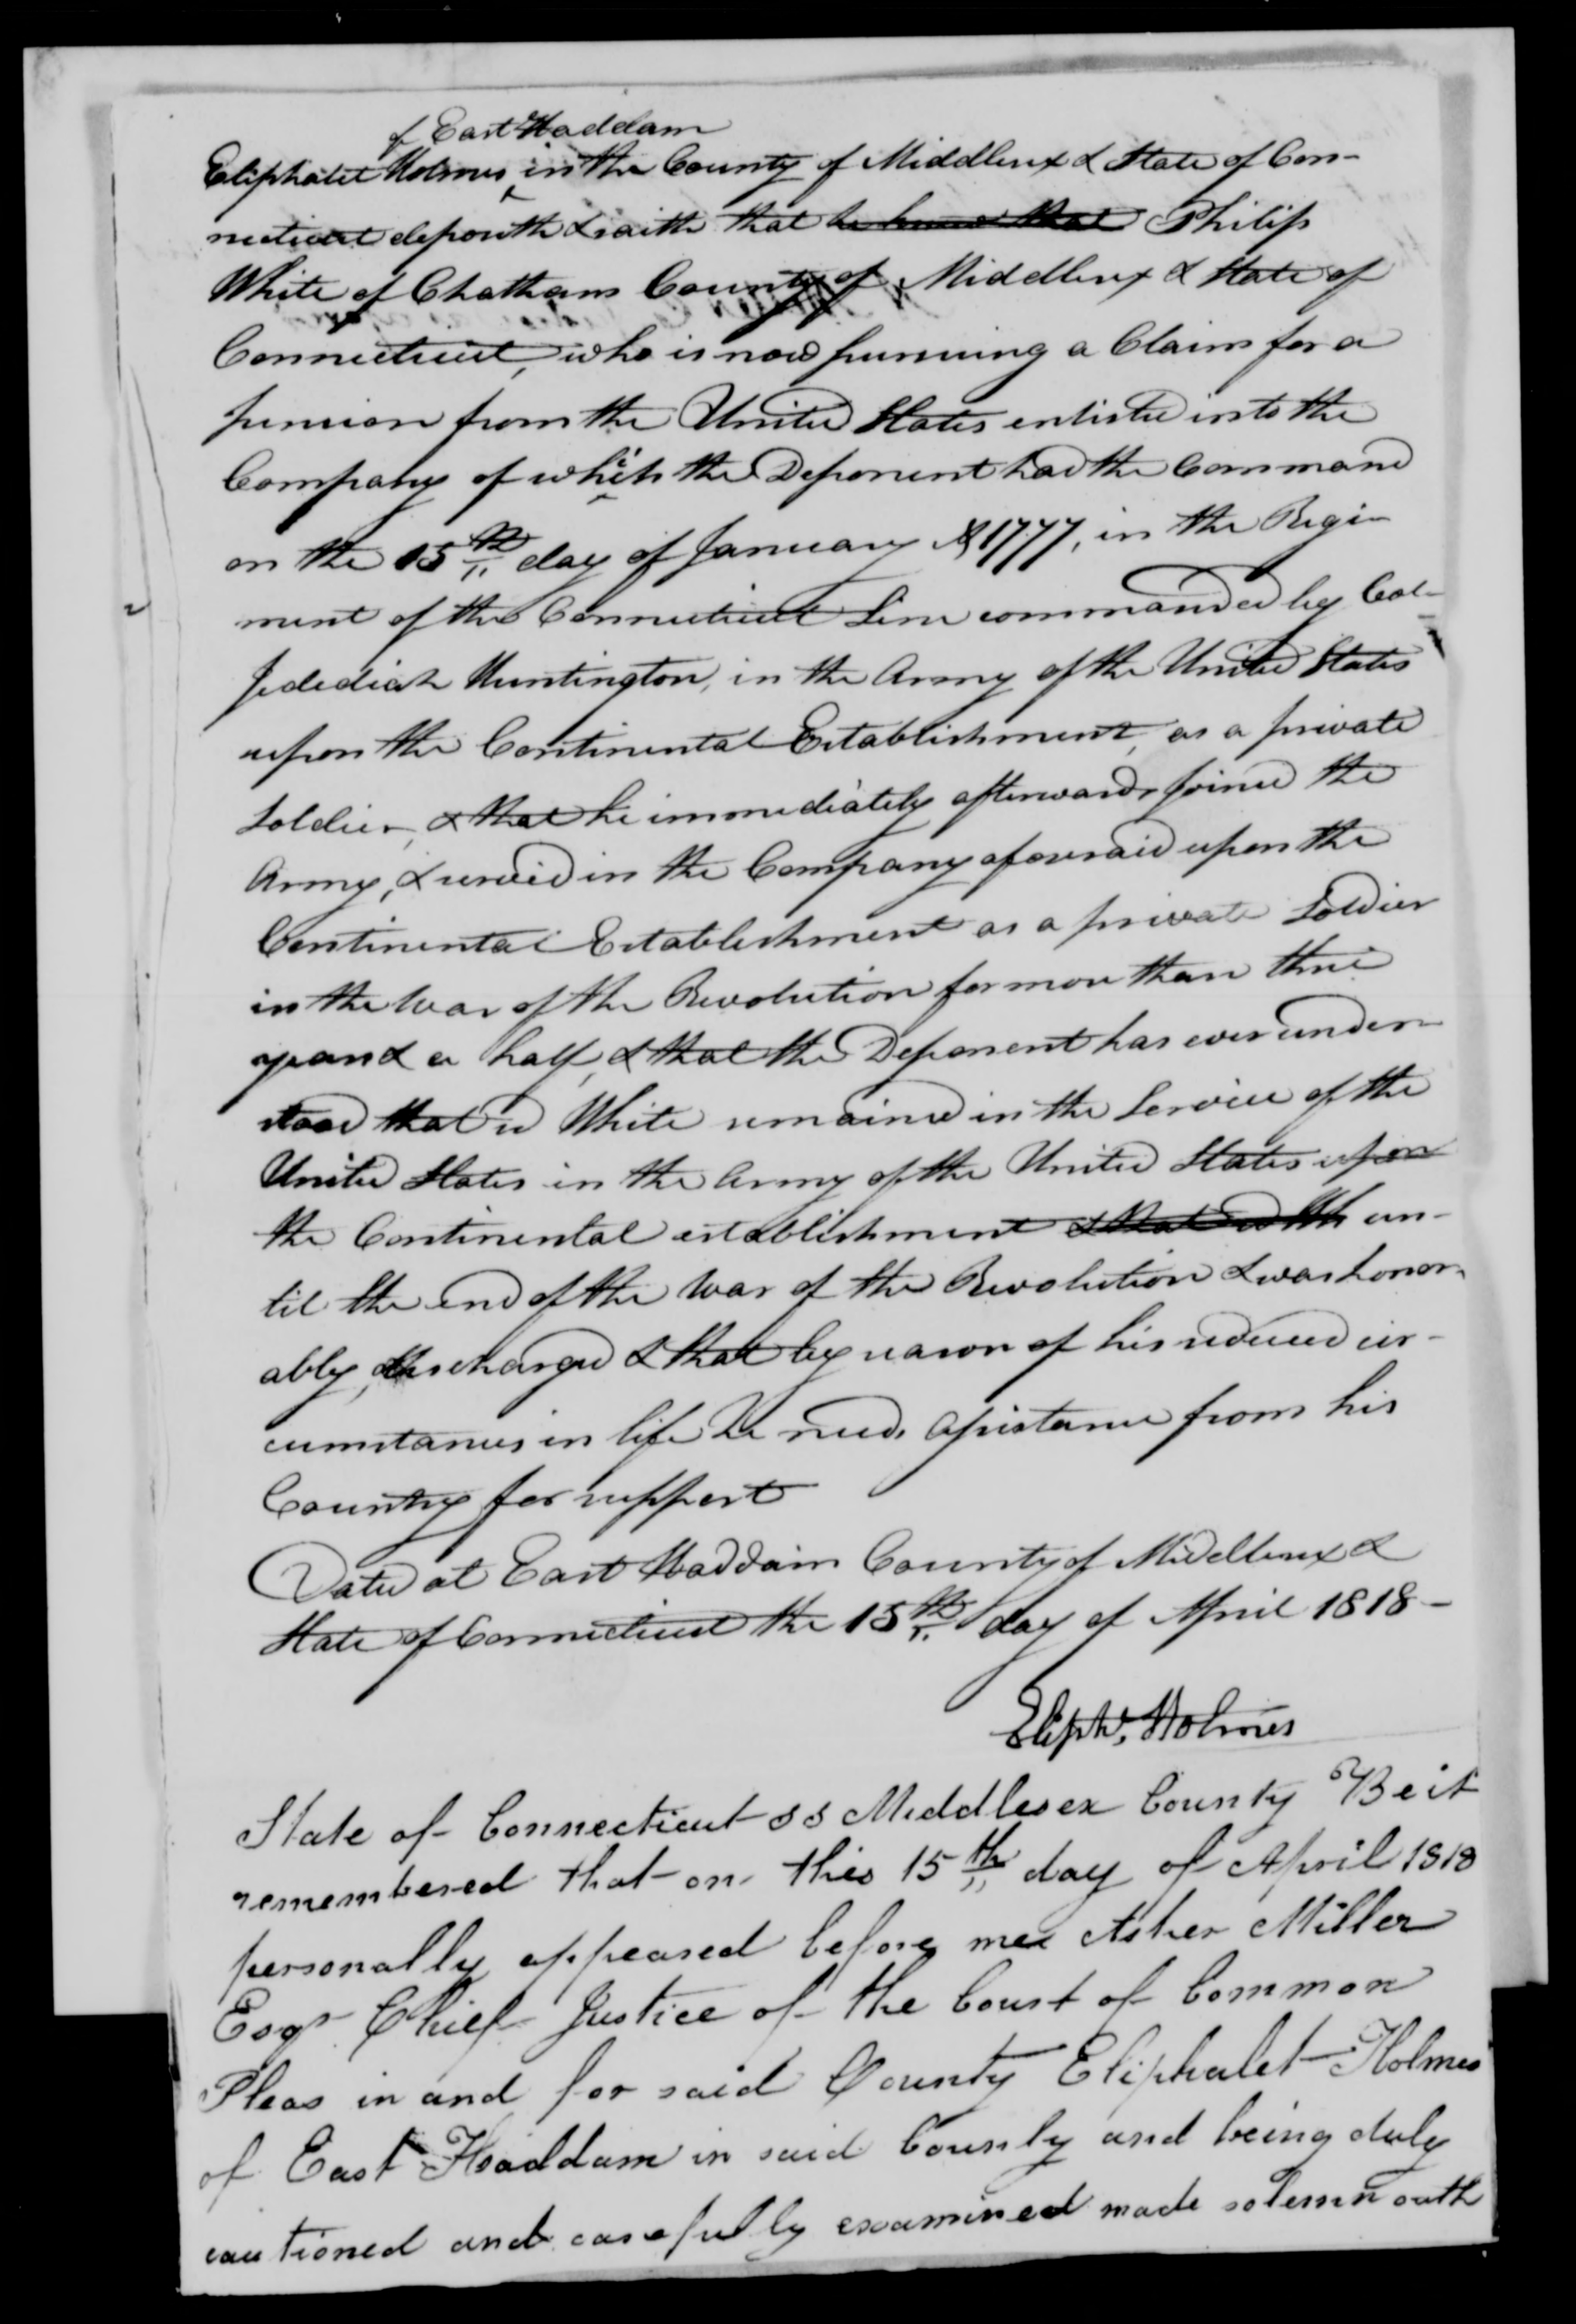Eliphalet Holmes [inserted, three words:] of East Haddam in the County of Middlesex & State of Connecticut
deponeth saith that [several words crossed out, illegible] Philip
White of Chatham County of Middlesex & State of
Connecticut, who is now [illegible] a claim for a
pension from the United States enlisted into the
Company of which the Deponent had the command
on the 15th day of January 1777, in the Regiment
of the Connecticut Line commanded by Col
Jedediah Huntington in the Army of the United States
upon the Continental Establishment, as a private
Soldier & that he immediately afterwards joined the
Army, & served in the Company aforesaid upon the
Continental Establishment as a private soldier
in the war of the Revolution for more than three
years & a half, & that the Deponent has ever 
understood that sd White remained in the service of the
United States in the Army of the United States upon
the Continental establishment [three words, crossed out:] and that with
until the end of the war of the Revolution was 
honorably discharged & that by reason of his reduced
cumstances in life he needs assistance from his
Country for support
Dated at East Haddam County of Middlesex
State of Connecticut the 15th day of April 1818
Elipht, Holmes

State of Connecticut ss Middlesex County Be it
remembered that on this 15th day of April 1818
personally appeared before me Asher Miller
Esqr Chief Justice of the Court of Common
Pleas in and for said County Eliphalet Holmes
of East Haddam in said County and being duly
cautioned and carefully examined made oath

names: Jedediah Huntington, Elephalet Holmes, Philip White, Asher Miller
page: 6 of 50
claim: widow's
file: W. 25,969, Philip White, Conn.